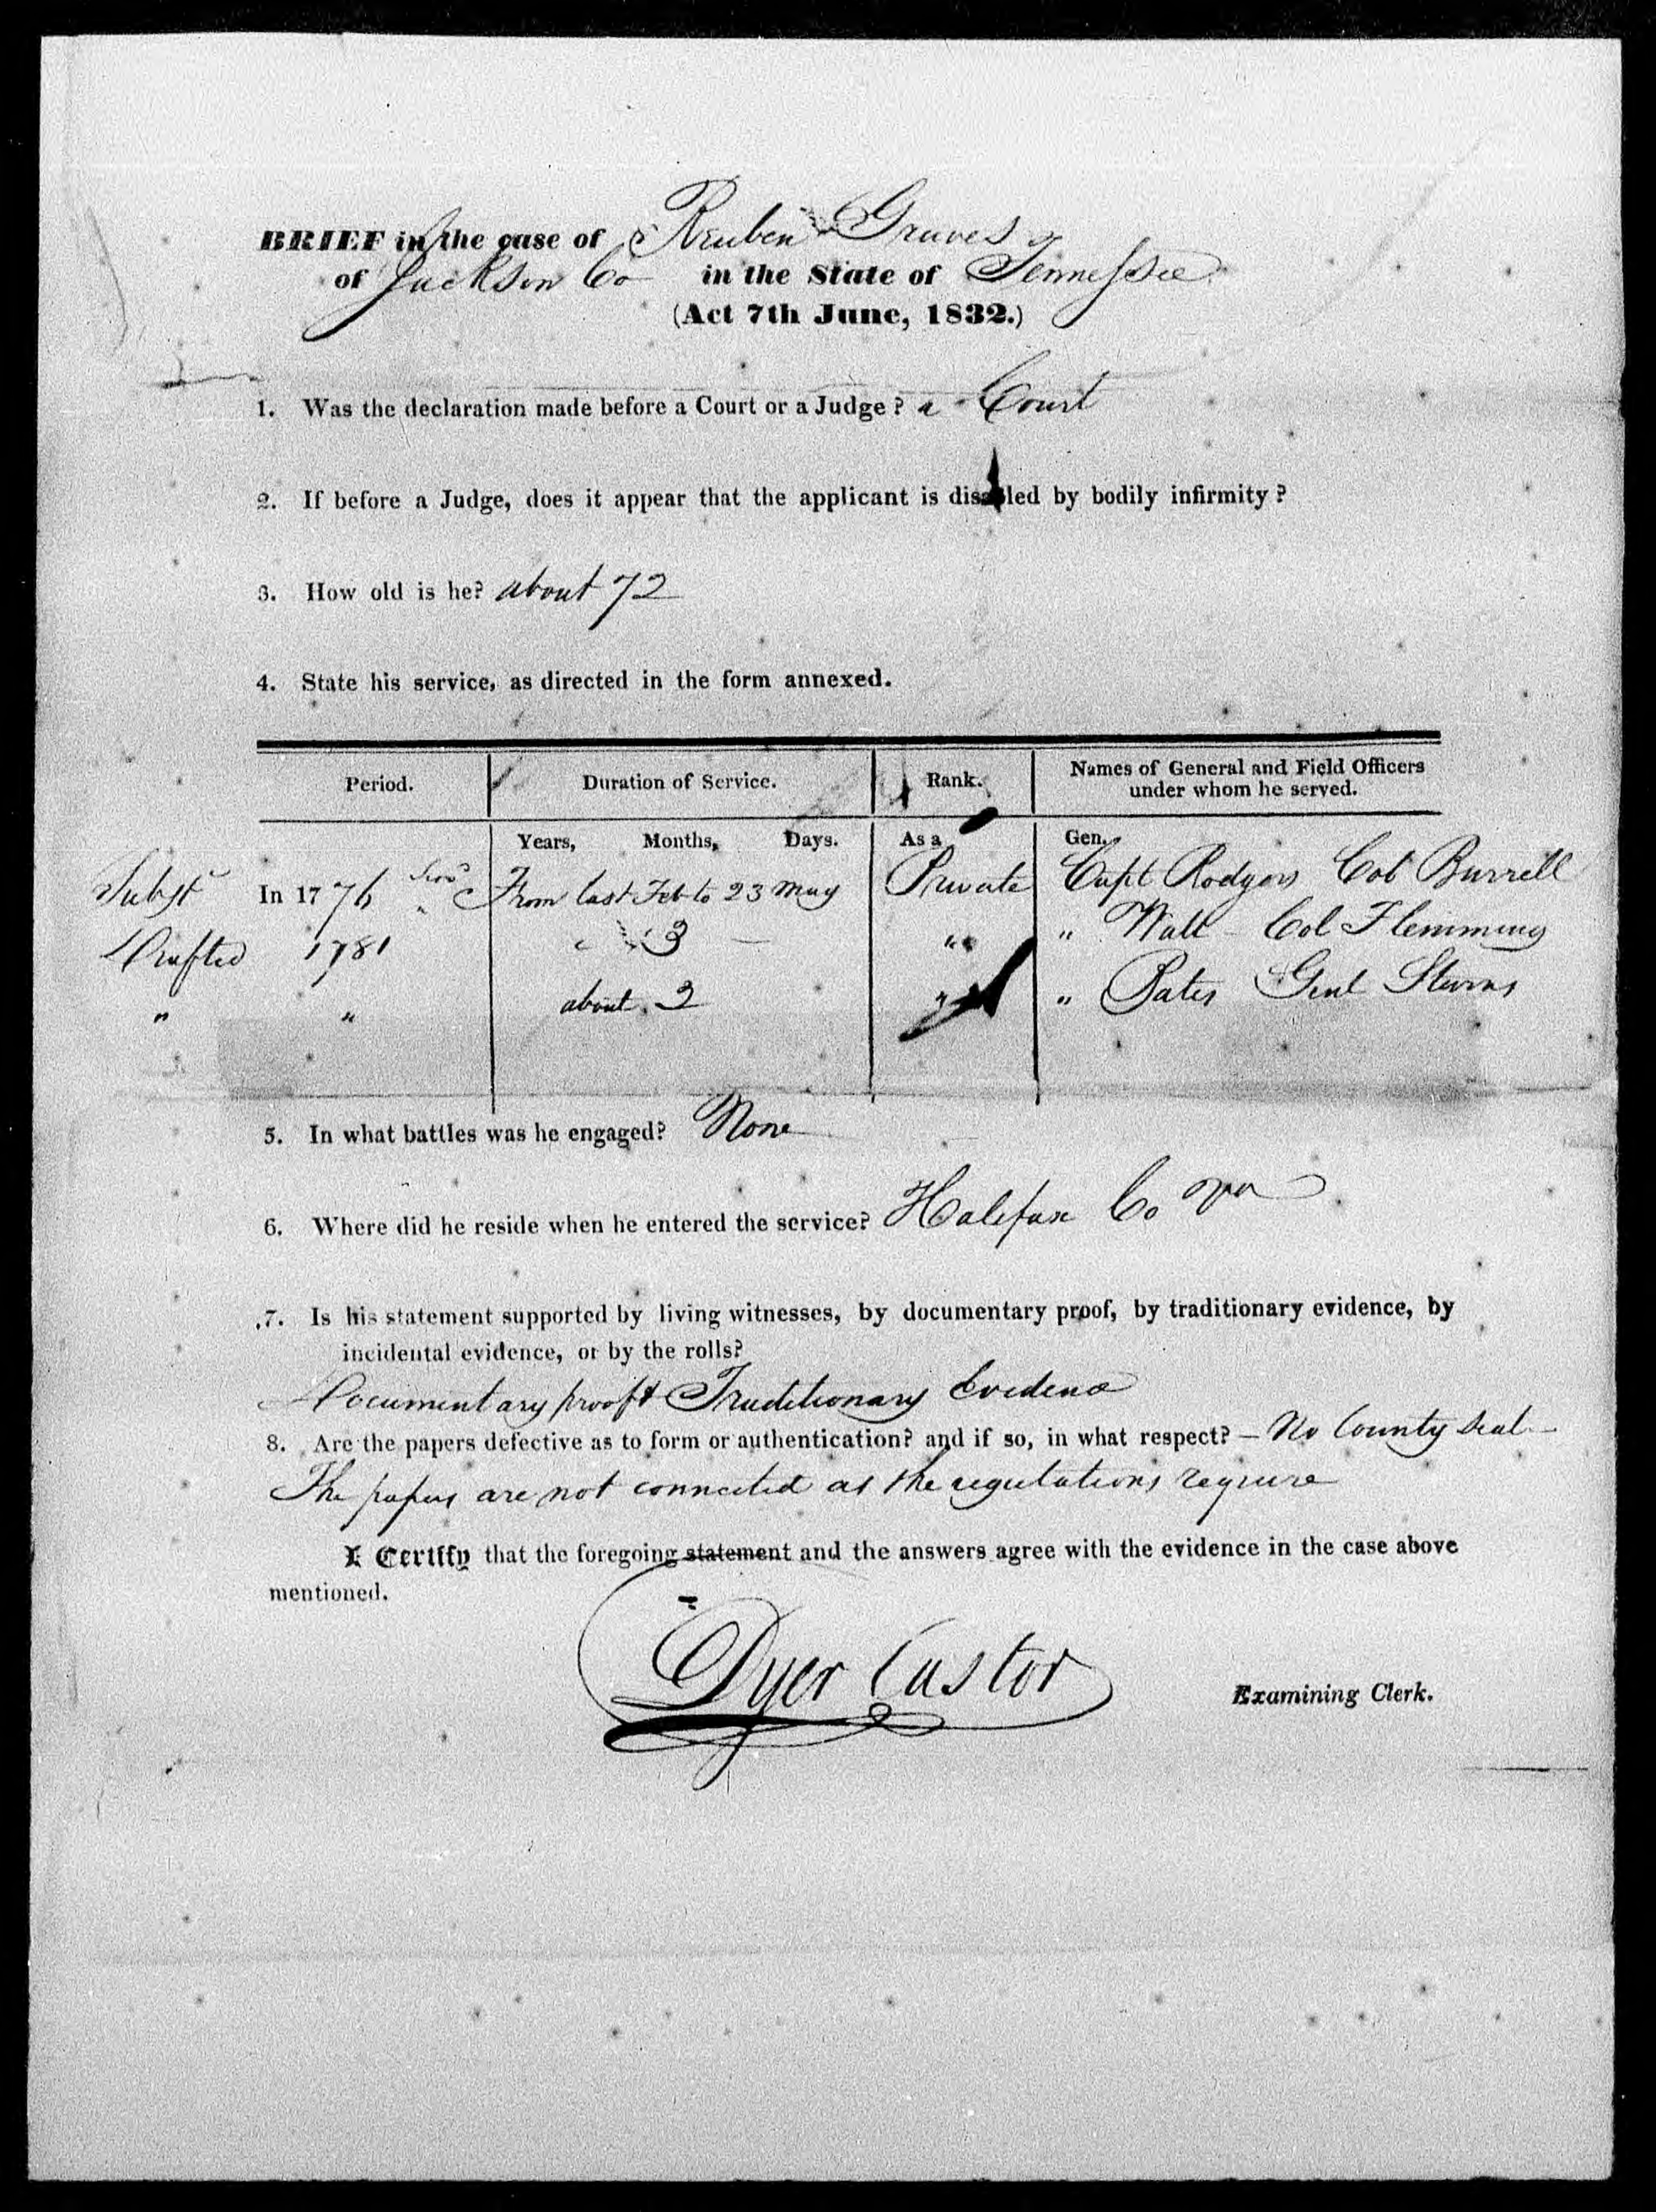Brief in the case of Reuben Graves
of Jackson Co. in the State of Tennessee
(Act 7th, June 1832)


1.  Was the declaration made before a Court or a Judge?   Court

2.  If before a Judge, does it appear that the applicant is disabled by bodily infirmity?

3. How old is he? about 72

4. State his service, as directed in the form annexed.



Period - Substitute - In 1776

Duration of Service - From last Feb. to 23 May

Rank - As a Private

Names of General and Field Officers under whom he served
Capt. Rodgers - Col. Burrell


Period - Drafted - In 1781

Duration of Service - 3 months

Rank - As a Private

Names of General and Field Officers under whom he served - Capt. Wall - Col. Flemming


Period - Drafted - In 1781

Duration of Service -  about 2 months

Rank - As a Private

Names of General and Field Officers under whom he served - Capt. Bates - General Stevens


5. In what battles was he engaged?   None

6.  Where did he reside when he entered the service?   Halifax Co, VA

7.  Is his statement supported by living witnesses, by documentary proof, by traditionary evidence, incidental evidence, or by the rolls?
Documentary proof and Traditionary Evidence

8.  Are the papers defective as to form or authentication?  and if so, in what respect? - no county seal
The papers are not connected as the regulations require

I Certify that  the foregoing statement and the answers agree with the evidence in the case above mentioned.

Dyer Castor
Examining Clerk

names: Flemming, Sturns, Burrell, Bates, Wall, Rodgers, Dyer Castor, Reuben Graves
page: 13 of 22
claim: survivor's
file: S. 3408, Reuben Graves, Va.